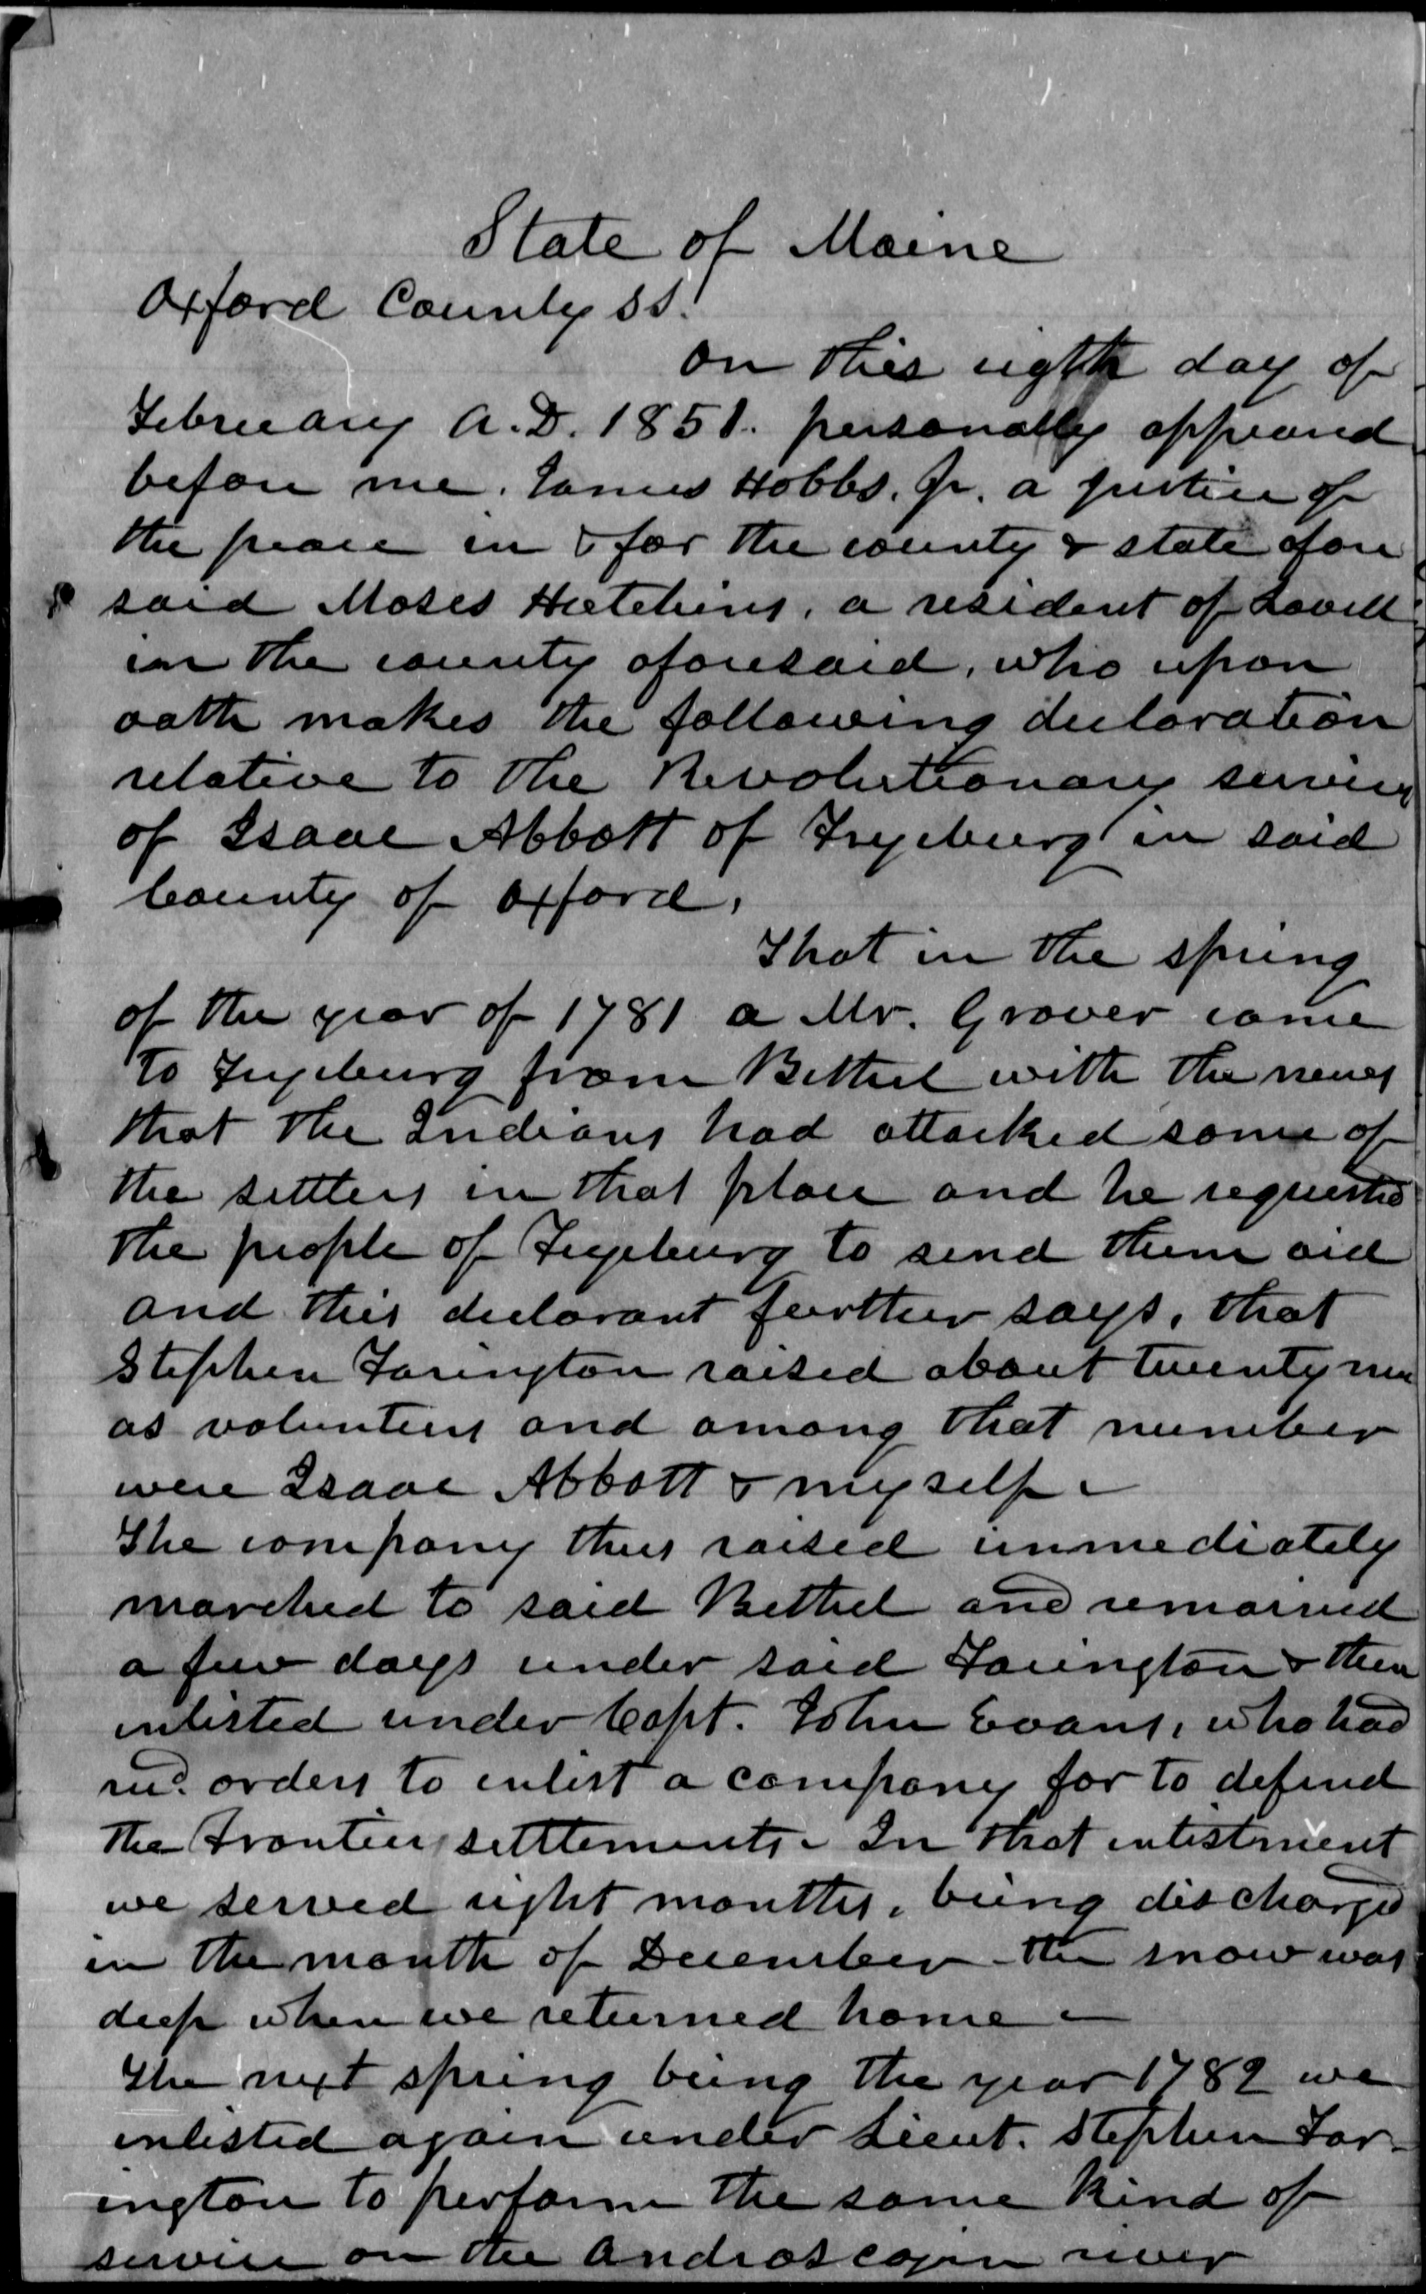State of Maine
Oxford County, SS.
On this eighth day of February A.D. 1851, personally appeared before me, James Hobbs Jr., a Justice of the Peace, in + for the County + State aforesaid. Moses Hutchins, a resident of Lowell, in the County aforesaid, who upon oath makes the following declaration relative to the Revolutionary Services of Isaac Abbott of Fryeburg, in said County of Oxford.
That in the Spring of the year 1781, a Mr. Grover came to Fryeburg from Bethel with the news that the Indians had attacked some of the settlers in that place and he requested the people of Fryeburg to send them aid and this declarant further says that Stephen Farrington raised about twenty men as volunteers and among that number were Isaac Abbott + myself.
The Company this raised immediately marched to said Bethel and remained a few days under said Farrington + then enlisted under Capt. John Evans, who had made orders to enlist a Company for to defend the Frontier Settlement. In that enlistment we served eight months, being discharged in the month of December, the snow was deep when we returned home.
The next Spring, being the year 1782, we enlisted again under Lieut. Stephen Farrington to perform the same kind of service on the Androscoggin River
...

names: John Evans, Grover, Moses Hutchins, Isaac Abbott, James Hobbs, Isaac Abbott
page: 78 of 86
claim: survivor's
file: S 29,568, Isaac Abbot, Mass